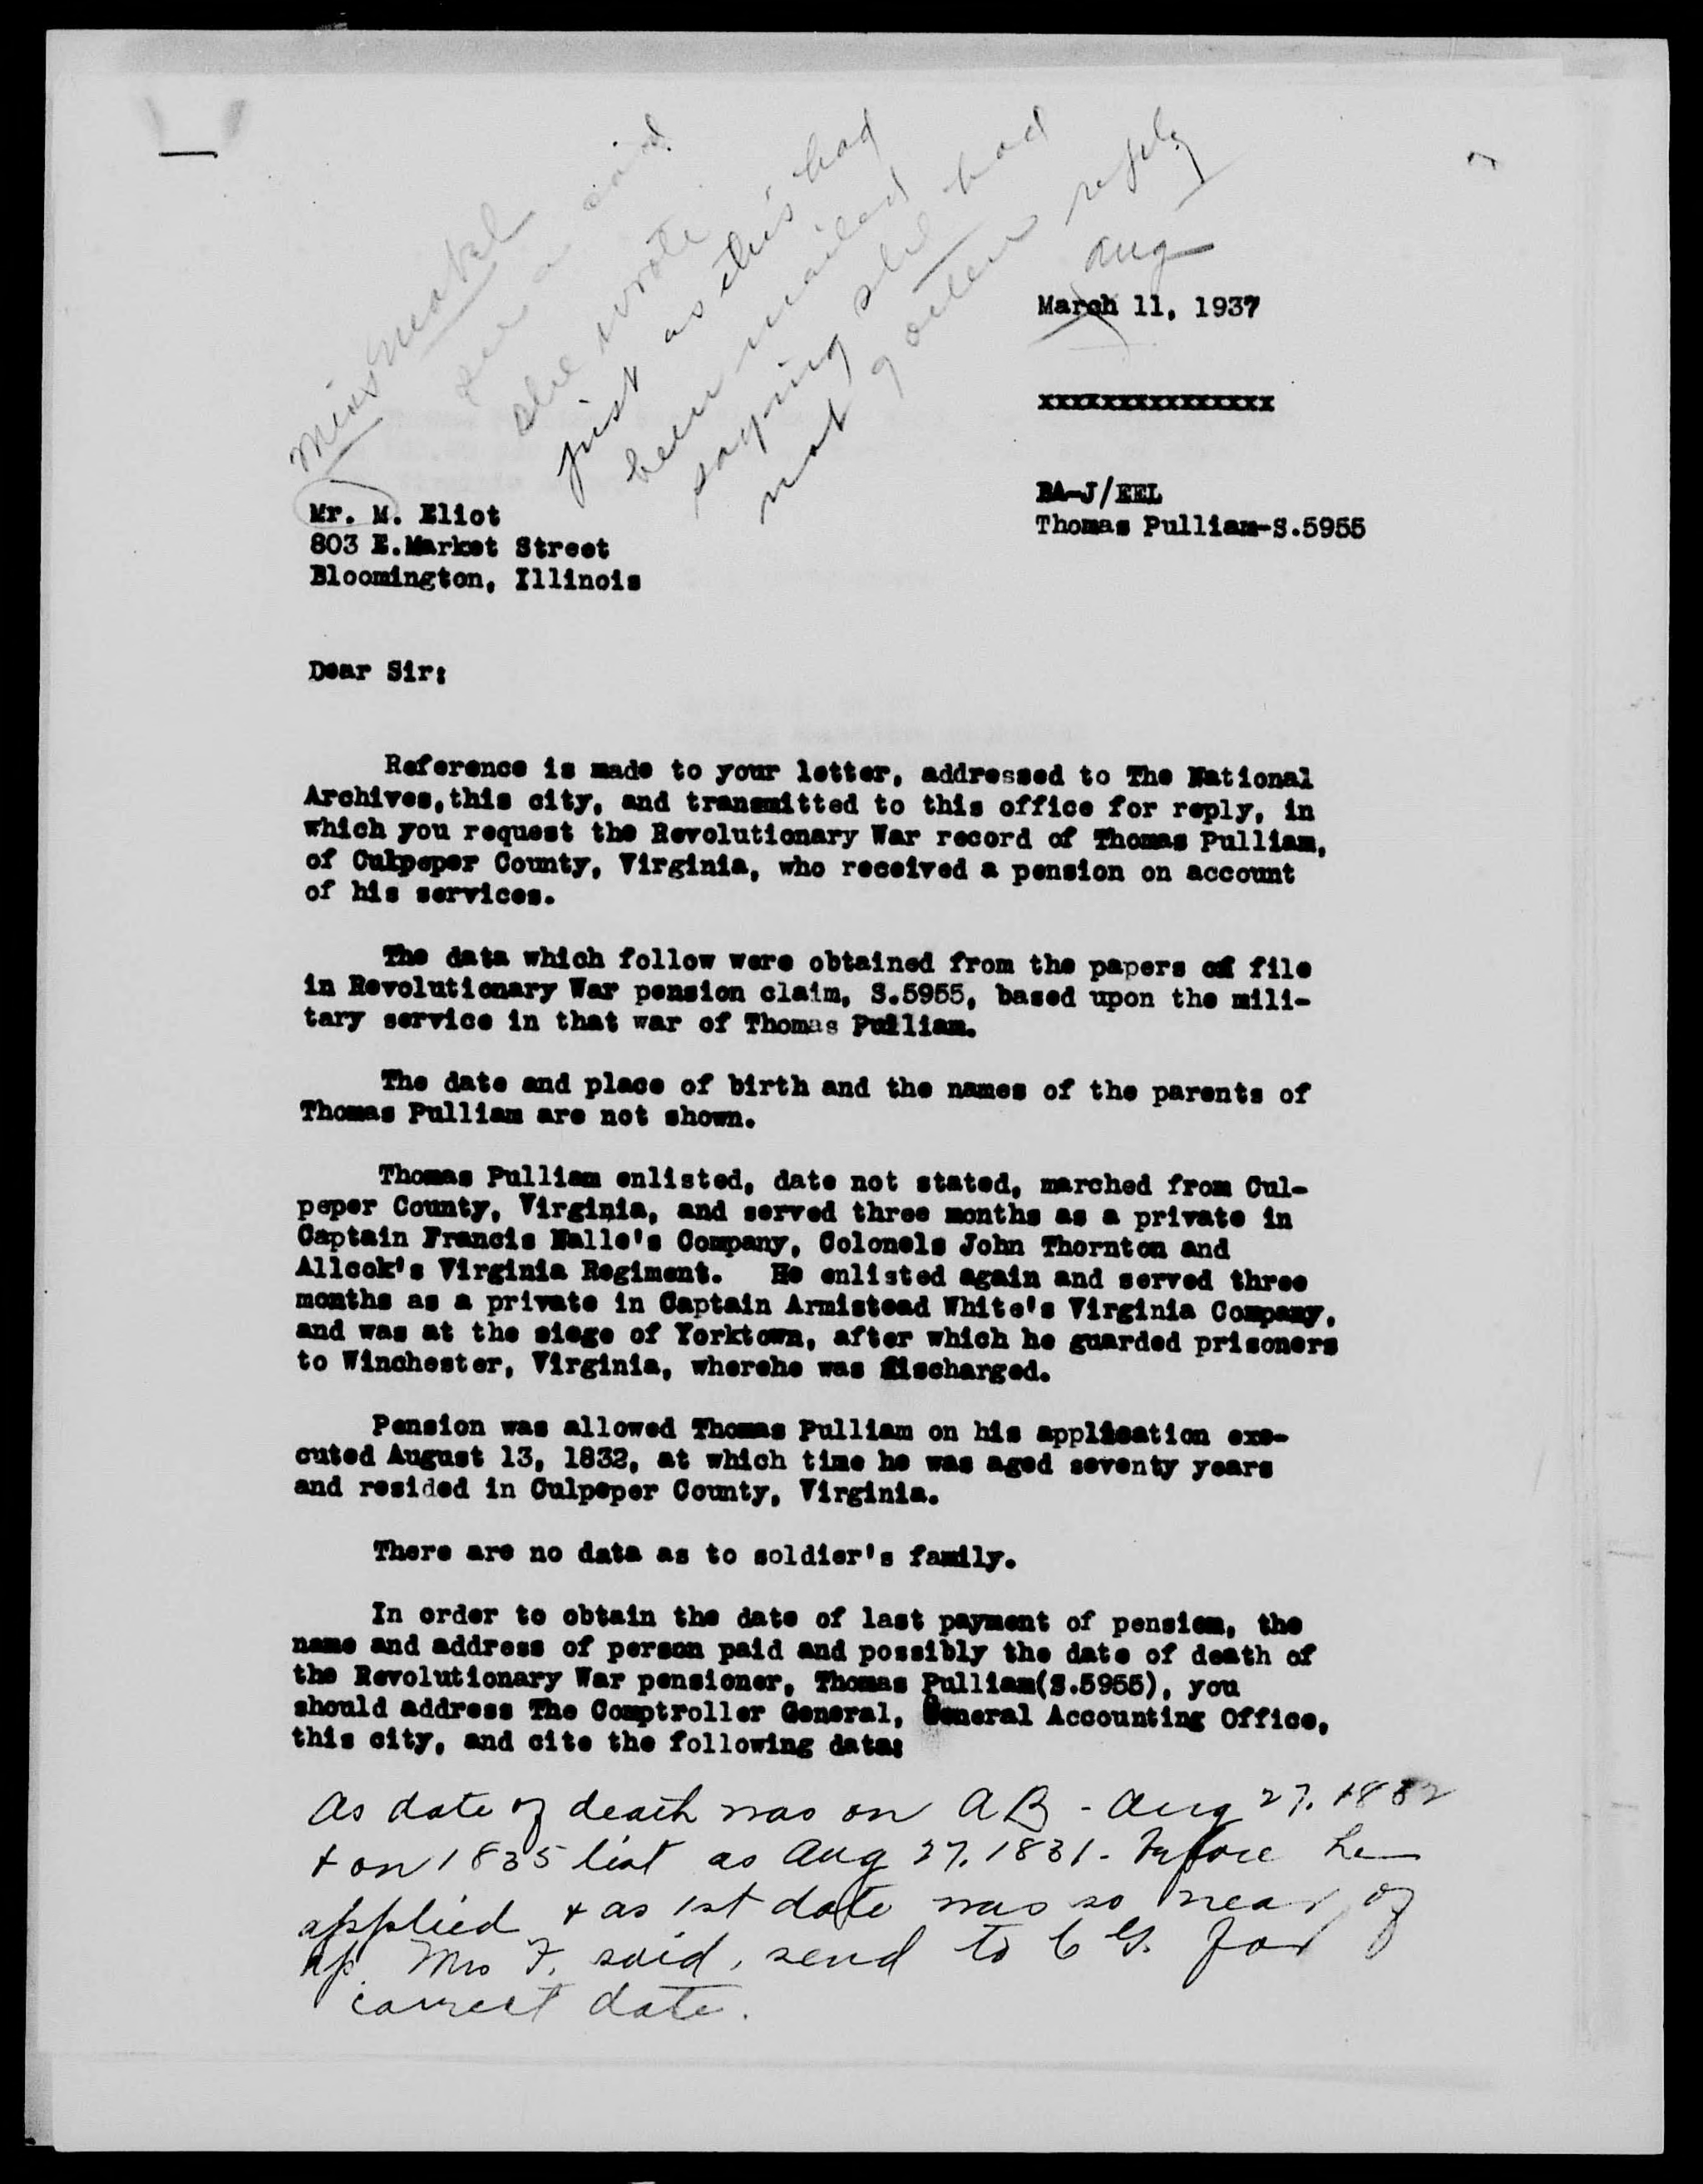[Handwritten, this paragraph:]
Miss Mabel
see as said
she wrote 
jus as this had
been mailed
saying she had
not gotten reply

[Crossed out: March] [Inserted:] Aug 11, 1937

xxxxxxx

BA-J/EEL
Thomas Pulliam-S.5955

Reference is made to your letter addressed to the National
Archives, this city, and transmitted to this office for reply, in
which you request the Revolutionary War record of Thomas Pulliam,
of Culpeper County, Virginia, who received a pension on account
of his services.

The data which follow were obtained from the papers on file
in Revolutionary War pension claim, S.5955, based upon the military
service in that war of Thomas Pulliam.

The date and place of birth and the names of the parents of
Thomas Pulliam are not shown.

Thomas Pulliam enlisted, date not stated, marched from Culpaper
County, Virginia, and served three months as a private in
Captain Francis Nalle's Company, Colonels John Thornton and
Allcok's Virginia Regiment. He enlisted again and served three
months as a private in Captain Armistead White's Virginia Company,
and was at the siege of Yorktown, after which he guarded prisoners
to Winchester, Virginia, where he was discharged.

Pension was allowed Thomas Pulliam on his application executed
August 13, 1833, at which time he was aged seventy years
and resided in Culpeper County, Virginia.

There are no data as to soldier's family.

In order to obtain the date of last payment of pension, the
name and address of person paid and possibly the date of death of
the Revolutionary War pensioner, Thomas Pulliam (S.5955), you
should address The Comptroller General, General Accounting Office,
this city, and cite the following data:

[Handwritten:] 
As date of death was on AB -Aug 27 1882
& on 1835 list as Aug 27, 1881. Before he
1111 & as 1st date was so near of
ap. Mrs F. said, send to C G. for
correct date.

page: 9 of 27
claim: survivor's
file: S. 5,955, for Thomas Pulliam, Virginia